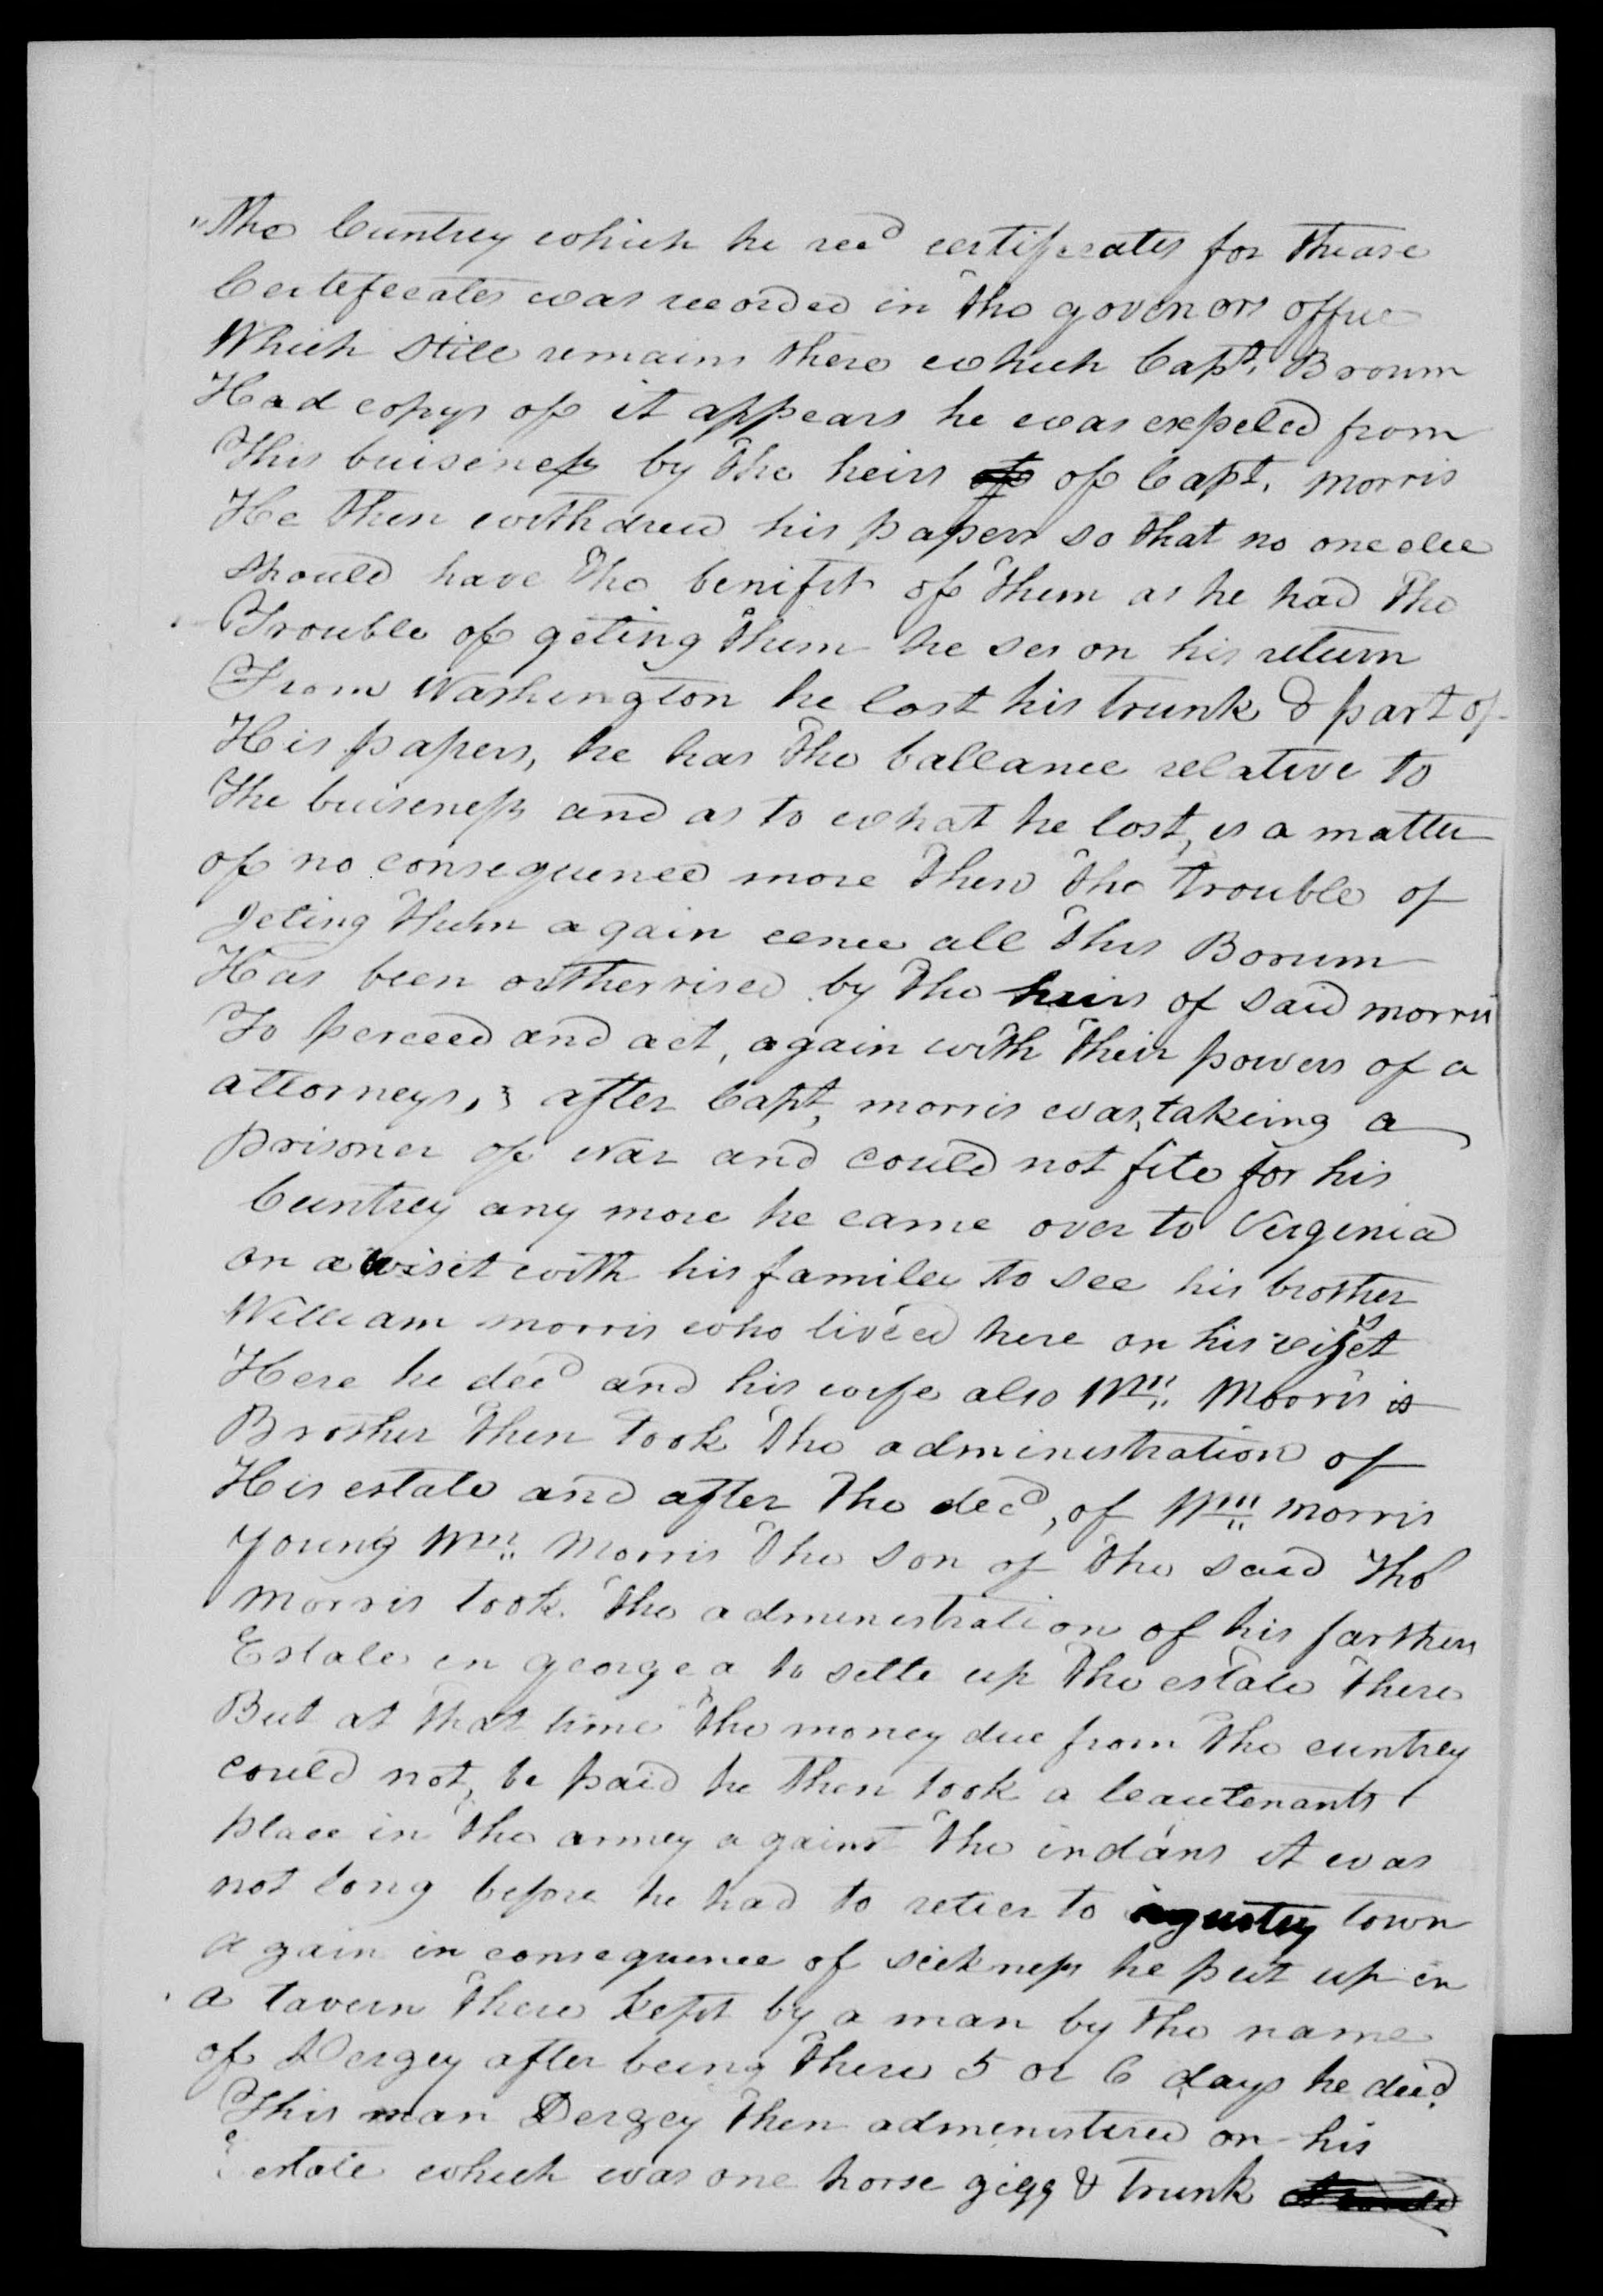the Cuntrey [country] which he recd certificates for these certificates war [were] recorded in the govenors office which still remains there which Capt. Brown had copys [copies] of it appears he was expeled [expelled] from this business by the heirs of Capt. Morris He then withdrew his papers so that no one else should have the benifit [benefit] of them as he had the trouble of geting [getting] them I've see on his return from Washington he lost his trunk & part of his papers, he had the ballance [balance] relative to the business and as to what he lost is a matter of no consequence more then the trouble of geting [getting] them again cence [sense] all this [illegible] has been other rised by the heirs of said morris to perceed [proceed] and act again with their powers of attorneys after Capt. Morris was taking [taken] a prisoner of war and could not fite [fight] for his cuntrey [country] any more he came over to Virginia on a visit with his family to see his brother William Morris who lived here on his [illegible] Here he died and his wife also Wm Morris's brother then took the administration of his estate and after the decd of Wm Morris young Wm Morris the son of the said Thos Morris too the administration of his fathers estate in georgia to settle up the estate there But at that time the money due from the cuntrey [country] could not be paid he then took a lease tenants place in the army against the indians it was not long before he had to retire to [illegible] town again in consequence of sickness he put up in a tavern there kept by a man by the name of Dergey after being there 5 or 6 days he died. This man Dergey then administered on his estate which was one horse gigg & trunk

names: Thos Morris; [BLANK] Browm; [BLANK] Morris; William Morris; [BLANK] Washington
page: 7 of 30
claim: rejected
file: R. 16,555, for Thomas Morris, Georgia